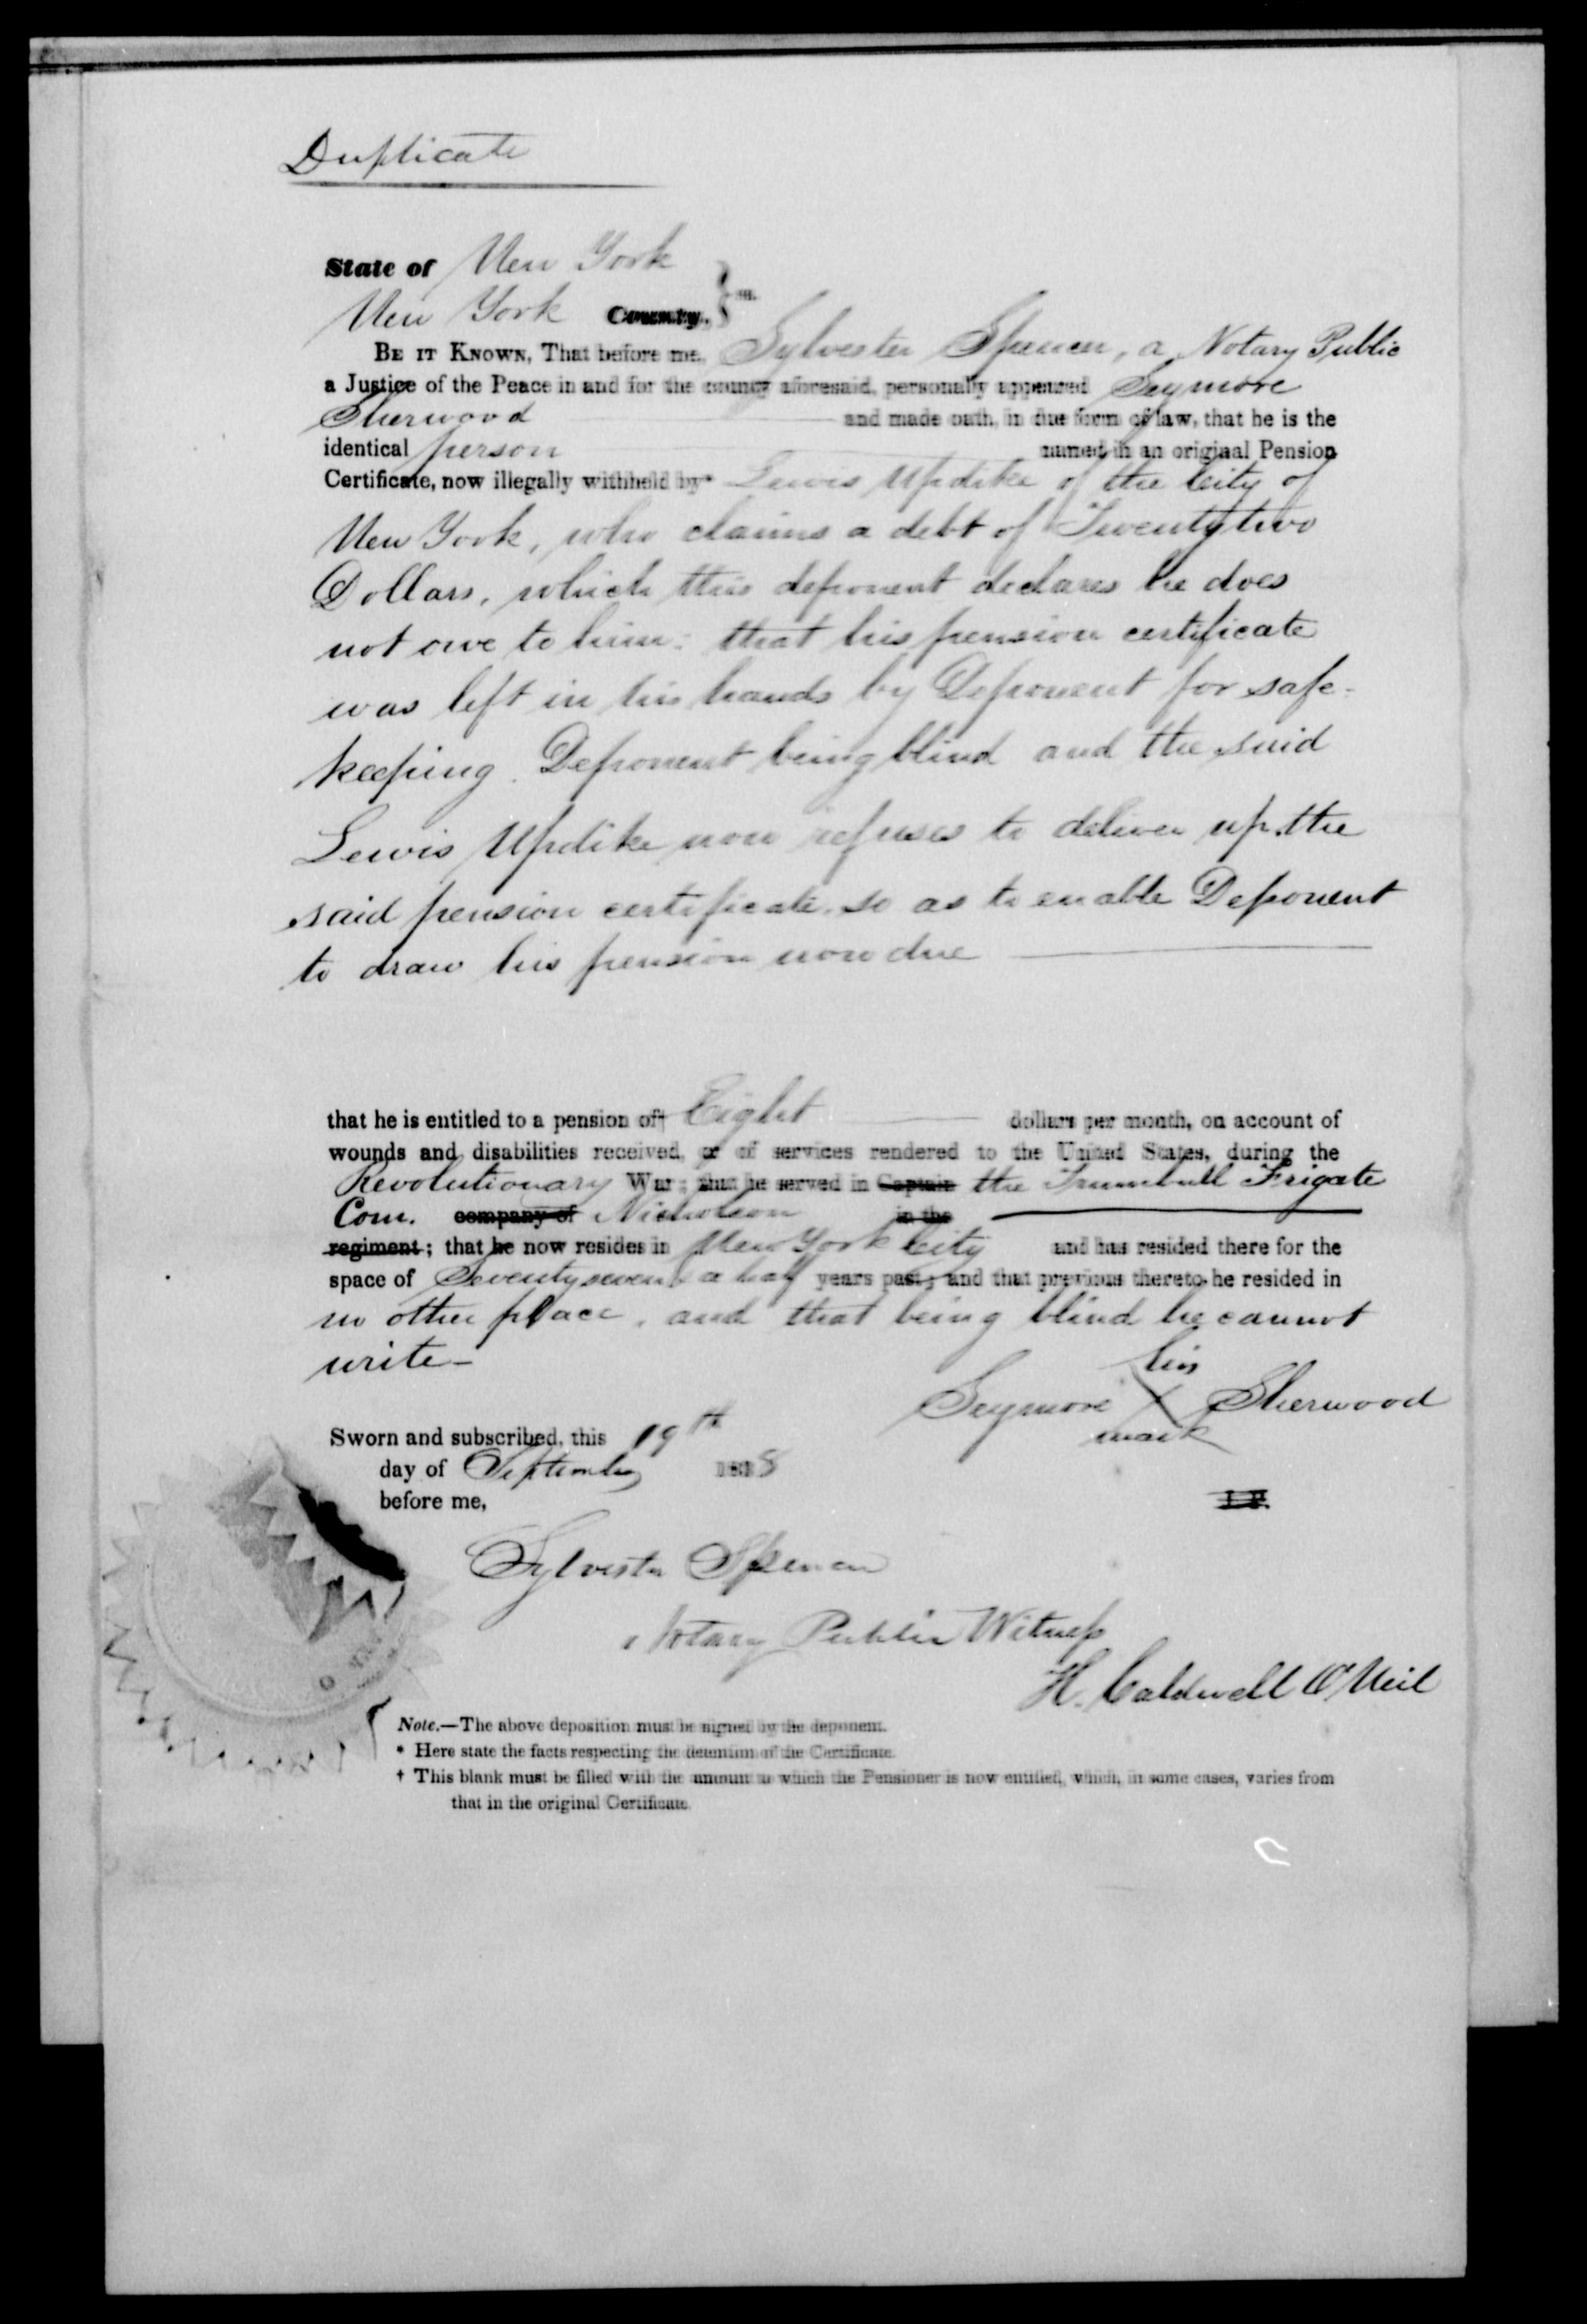Duplicate 
State of New York 
New York County } ss BE IT KNOWN, That before a Sylvester Spencer, a Notary Public a Justice of the Peace in and for the county aforesaid personally appeared Seymore Sherwood  and made oath in due form of law, that he is the identical person named in an original Pension Certificate, now illegally withheld by Lewis Updike of the City of New York, who claims a debt of Twenty two Dollars, which this deponent declares he does not owe to him, that his pension certificate was left in his hands by deponent for safe keeping,  Deponent being blind and the said Lewis Updike now refuses to deliver up the said pension certificate so as to enable Deponent to draw his pension now due.  
that he is entitled to a pension of Eight dollars per month, on account of wounds and disabilities received or of  services rendered to the United States, during the Revolutionary War; that he served in the Trumbull Frigate Com.  Nicholson; that he now resides in New York City and has resided there for the space of Seventy seven a half years past;  and that previous thereto he resided in in no other place, and that being blind he cannot write.  
Seymore Sherwood x his mark
Sworn and subscribed, this 19th day of September 1838 before me, 
Sylvester Spencer Notary Public 
Witness H. Caldwell O’Neil
Note. -- The above deposition must be signed by the deponent. 
Here state the facts respecting the date of the Certificate. 
This blank must be filled with the amount which the Pensioner is now entitled, which in some cases, varies from the original Certificate.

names: Seymore Sherwood; Seymore Sherwood; Lewis Updike; Sylvester Spencer; H Caldwell O'Neil; [BLANK] Nicholson; Lewis Updike; Sylvester Spencer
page: 23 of 30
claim: survivor's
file: S. 42289, for Seymore Sherwood, Connecticut